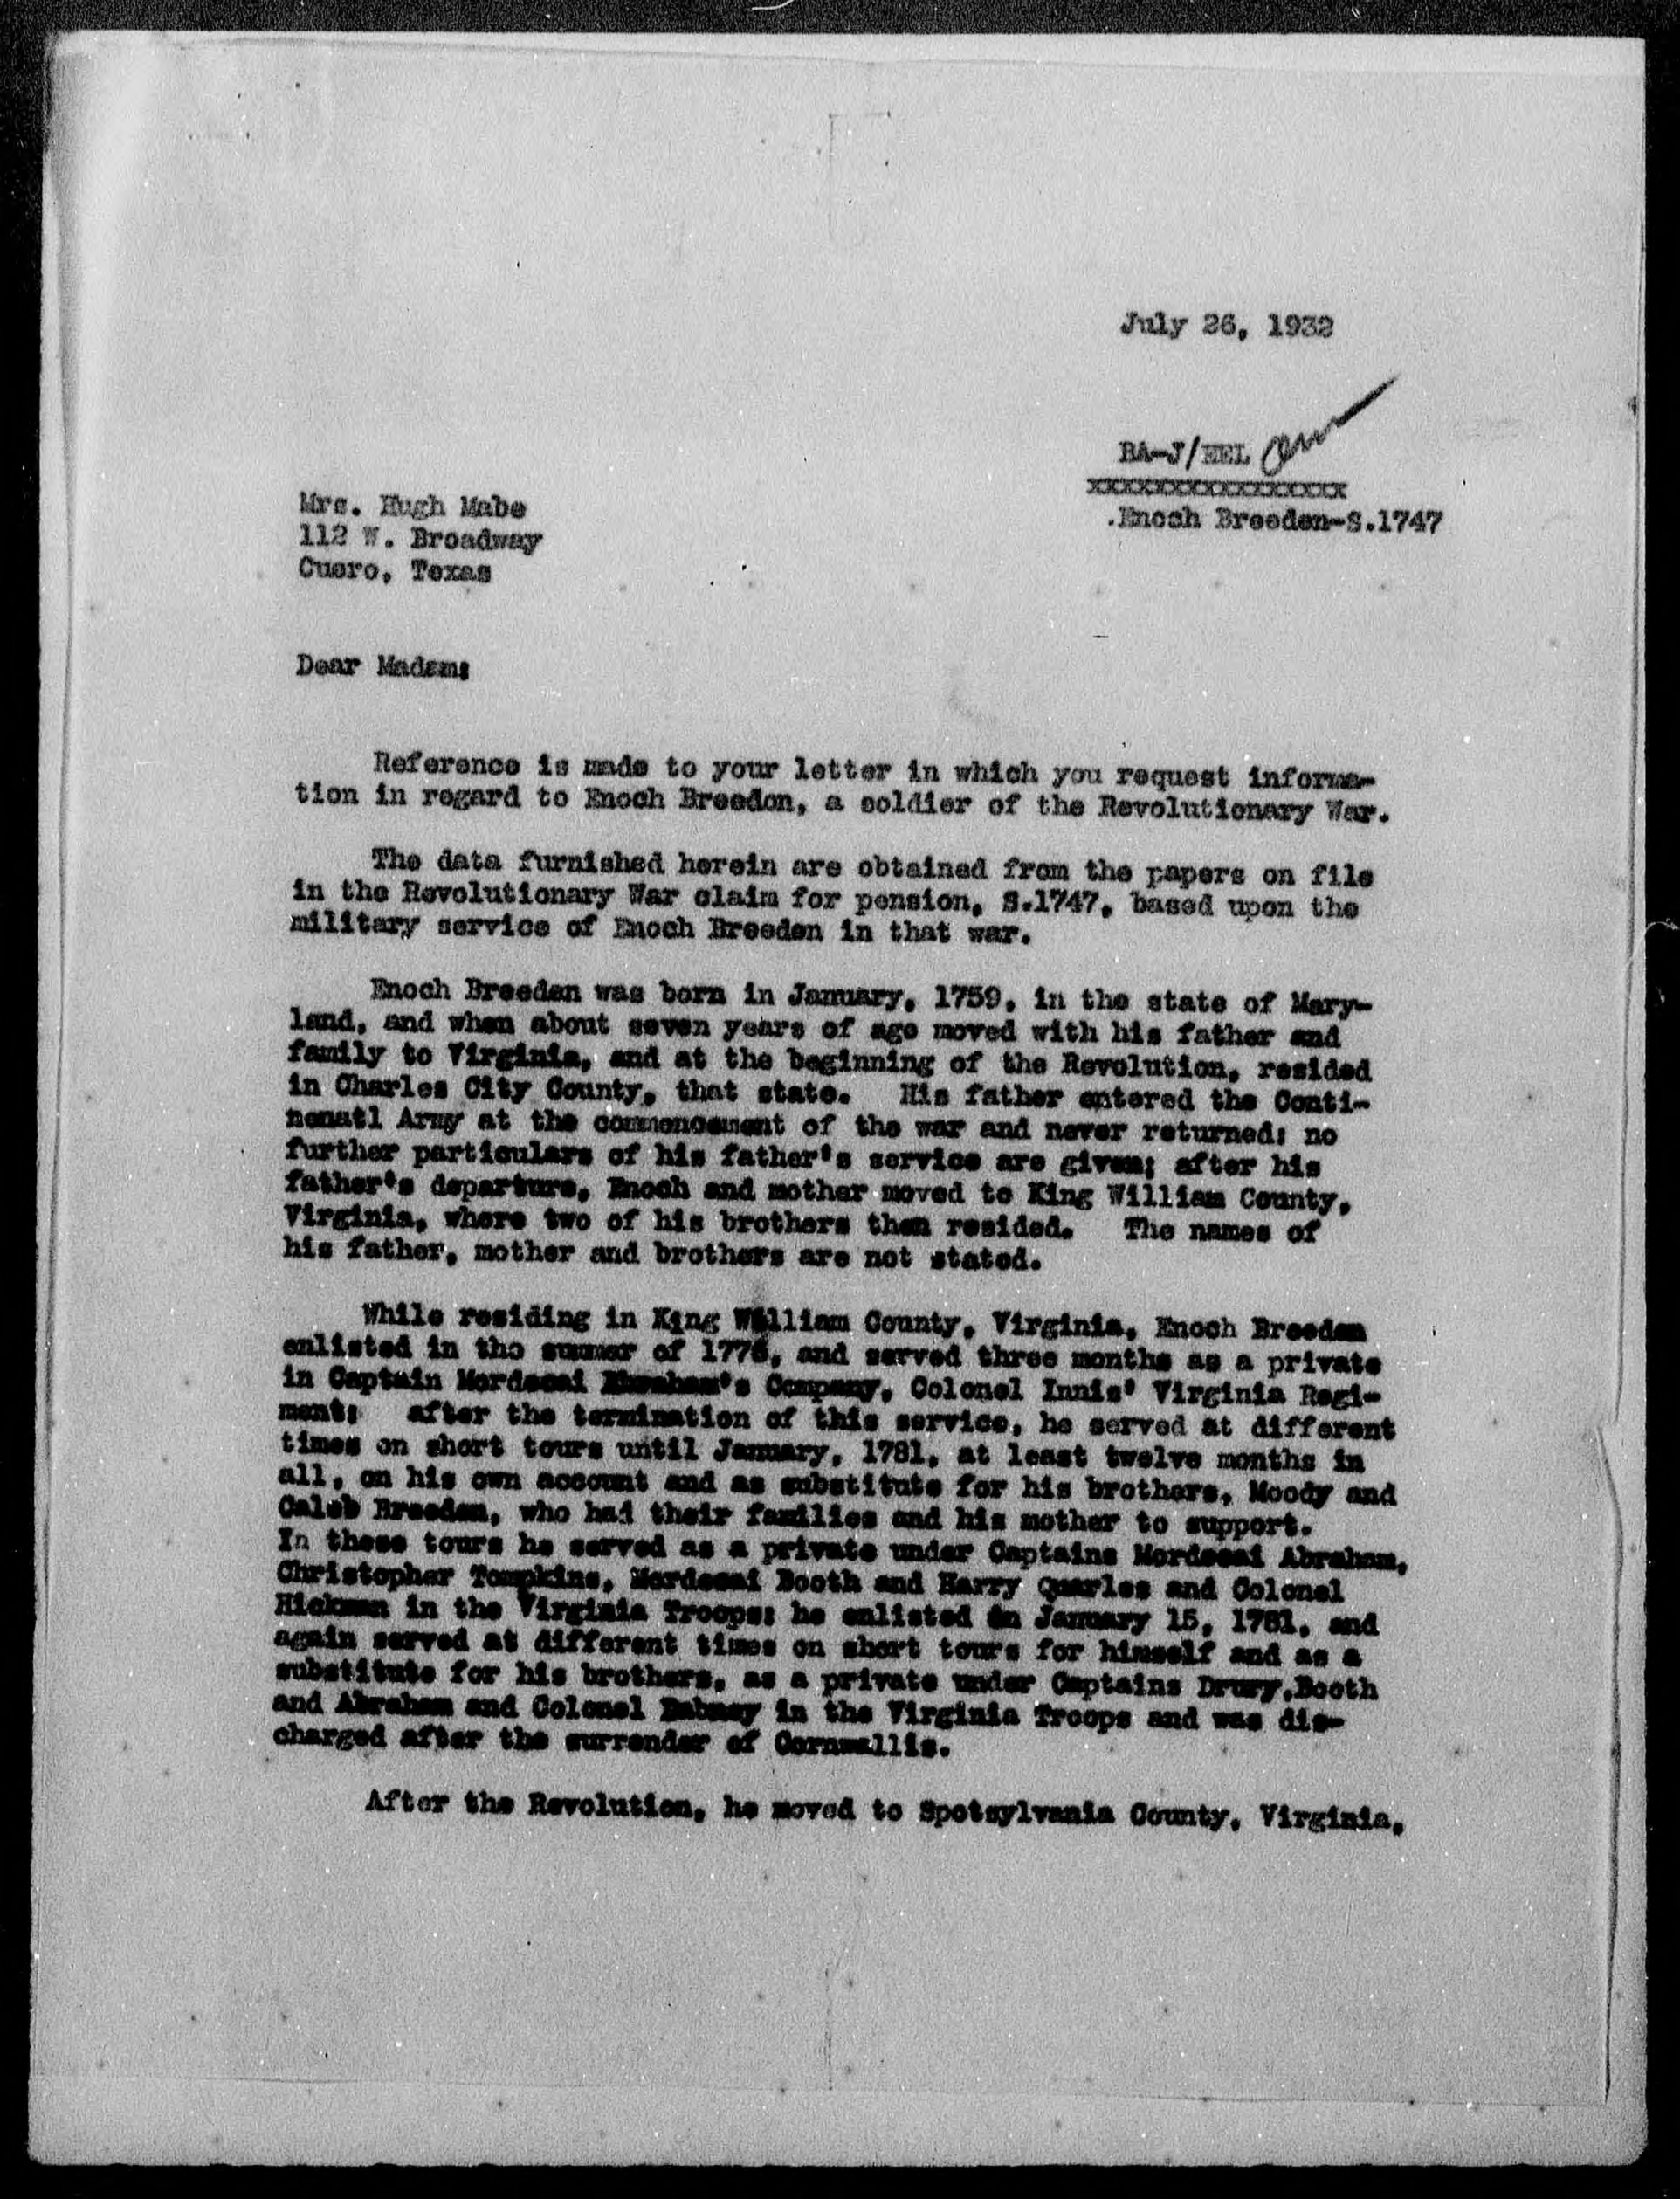July 26, 1932 

Mrs. Hugh Mabe 
112 W. Broadway 
Cuero, Texas 

RA-J / EEL
Enoch Breeden-S.1747

Dear Madam: Reference is made to your letter in which you request information in regard to Enoch Breeden, a soldier of the Revolutionary War. 

The data furnished herein are obtained from the papers on file in the Revolutionary War claim for pension, S.1747, based upon the military service of Enoch Breeden in that war. 

Enoch Breeden was born in January, 1759, in the state of Maryland, and when about seven years of age moved with his father and family to Virginia, and at the beginning of the Revolution, resided in Charles City County, that state. His father entered the Continonati Army at the commencement of the war and never returned, no further particulars of his father's service are given after his father's departure, Enoch and mother moved to King William County, Virginia, where two of his brothers then resided. The names of his father, mother and brothers are not stated. 

While residing in King William County, Virginia, Enoch Breeden enlisted in the summer of 1776, and served three months as a private in Captain Mordecai Bonham's Company, Colonol Innis' Virginia Regiments after the termination of this service, he served at different times on short tours until January, 1781, at least twelve months in all on his own account and as substitute for his brothers, Moody and Caleb Breeden, who had their families and his mother to support. In these tours he served as a private under Captains Mordecai Abraham, Christopher Tompkins, Mordecai Booth and Harry Quarles and Colonel Hickman in the Virginia Troops he enlisted in January 15, 1781, and again served at different times on short tours for himself and as a substitute for his brothers, as a private under Captains Drury, Booth and Abraham and Colonel Dabney in the Virginia Troops and was discharged after the surrender of Cornwallis. 

After the Revolution, he moved to Spotsylvania County, Virginia,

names: Dabney, Harry Quarles, Mordecai Booth, Caleb Breeden, Hugh Mabe, Abraham, Hickman, Christopher Tompkins, Booth, Enoch Breeden, Enoch Breeden, Drury, Enoch, Mordecai Abraham, Enoch Breeden, Enoch Breedon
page: 12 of 27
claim: survivor's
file: S. 1747, Enoch Breeden, Va.